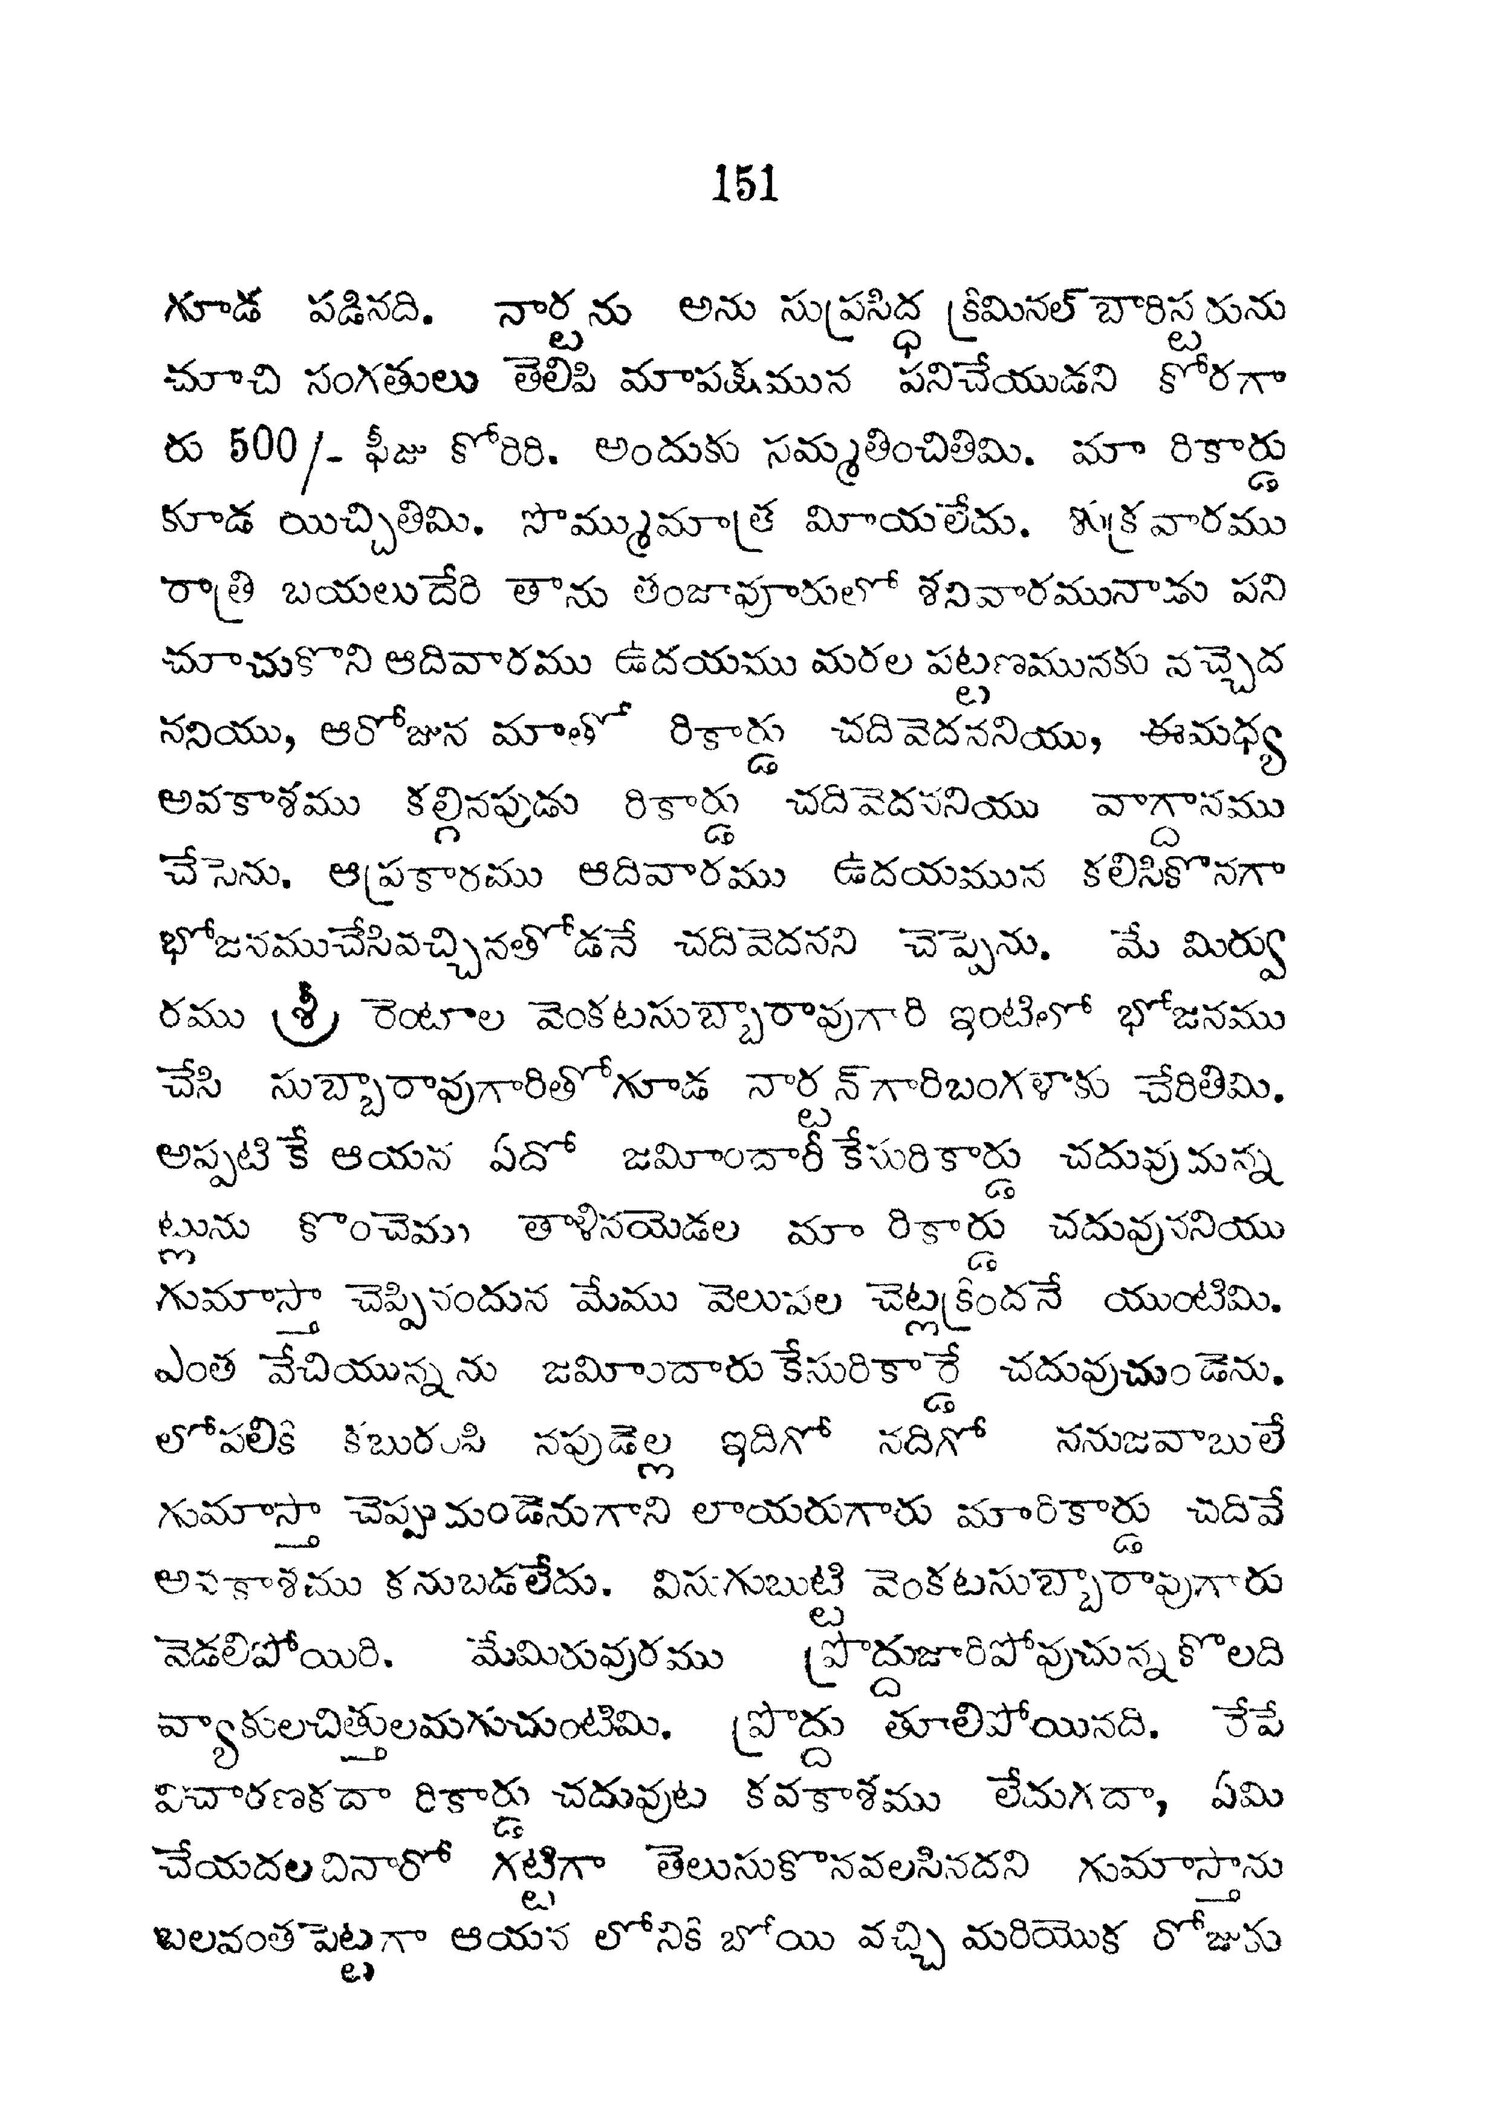గూడ పడినది. నార్టను అను సుప్రసిద్ధ క్రిమినల్‌బారిస్టరును చూచి సంగతులు తెలిపి మాపక్షమున పనిచేయుడని కోరగా రు 500/- ఫీజు కోరిరి. అందుకు సమ్మతించితిమి. మా రికార్డు కూడ యిచ్చితిమి. సొమ్ముమాత్ర మీయలేదు. శుక్రవారము రాత్రి బయలుదేరి తాను తంజావూరులో శనివారమునాడు పని చూచుకొని ఆదివారము ఉదయము మరల పట్టణమునకు వచ్చెదననియు, ఆరోజున మాతో రికార్డు చదివెదననియు, ఈమధ్య అవకాశము కల్గినపుడు రికార్డు చదివెదననియు వాగ్దానము చేసెను. ఆప్రకారము ఆదివారము ఉదయమున కలిసికొనగా భోజనముచేసివచ్చినతోడనే చదివెదనని చెప్పెను. మే మిర్వురము శ్రీ రెంటాల వెంకటసుబ్బారావుగారి ఇంటిలో భోజనము చేసి సుబ్బారావుగారితోగూడ నార్టన్‌గారిబంగళాకు చేరితిమి. అప్పటికే ఆయన ఏదో జమీందారీకేసురికార్డు చదువుచున్నట్లును కొంచెము తాళినయెడల మా రికార్డు చదువుననియు గుమస్తా చెప్పినందున మేము వెలుపల చెట్లక్రిందనే యుంటిమి. ఎంత వేచియున్నను జమీందారుకేసురికార్డే చదువుచుండెను. లోపలికి కబురంపి నపుడెల్ల ఇదిగో నదిగో ననుజవాబులే గుమస్తా చెప్పుచుండెనుగాని లాయరుగారు మారికార్డు చదివే అవకాశము కనబడలేదు. విసుగుబుట్టి వెంకటసుబ్బారావుగారు వెడలిపోయిరి. మేమిరువురము ప్రొద్దుజారిపోవుచున్నకొలది వ్యాకులచిత్తులమగుచుంటిమి. ప్రొద్దు తూలిపోయినది. రేపే విచారణకదా రికార్డు చదువుట కవకాశము లేదుగదా, ఏమి చేయదలచినారో గట్టిగా తెలుసుకొనవలసినదని గుమస్తాను బలవంతపెట్టగా ఆయన లోనికి బోయి వచ్చి మరియొక రోజుకు